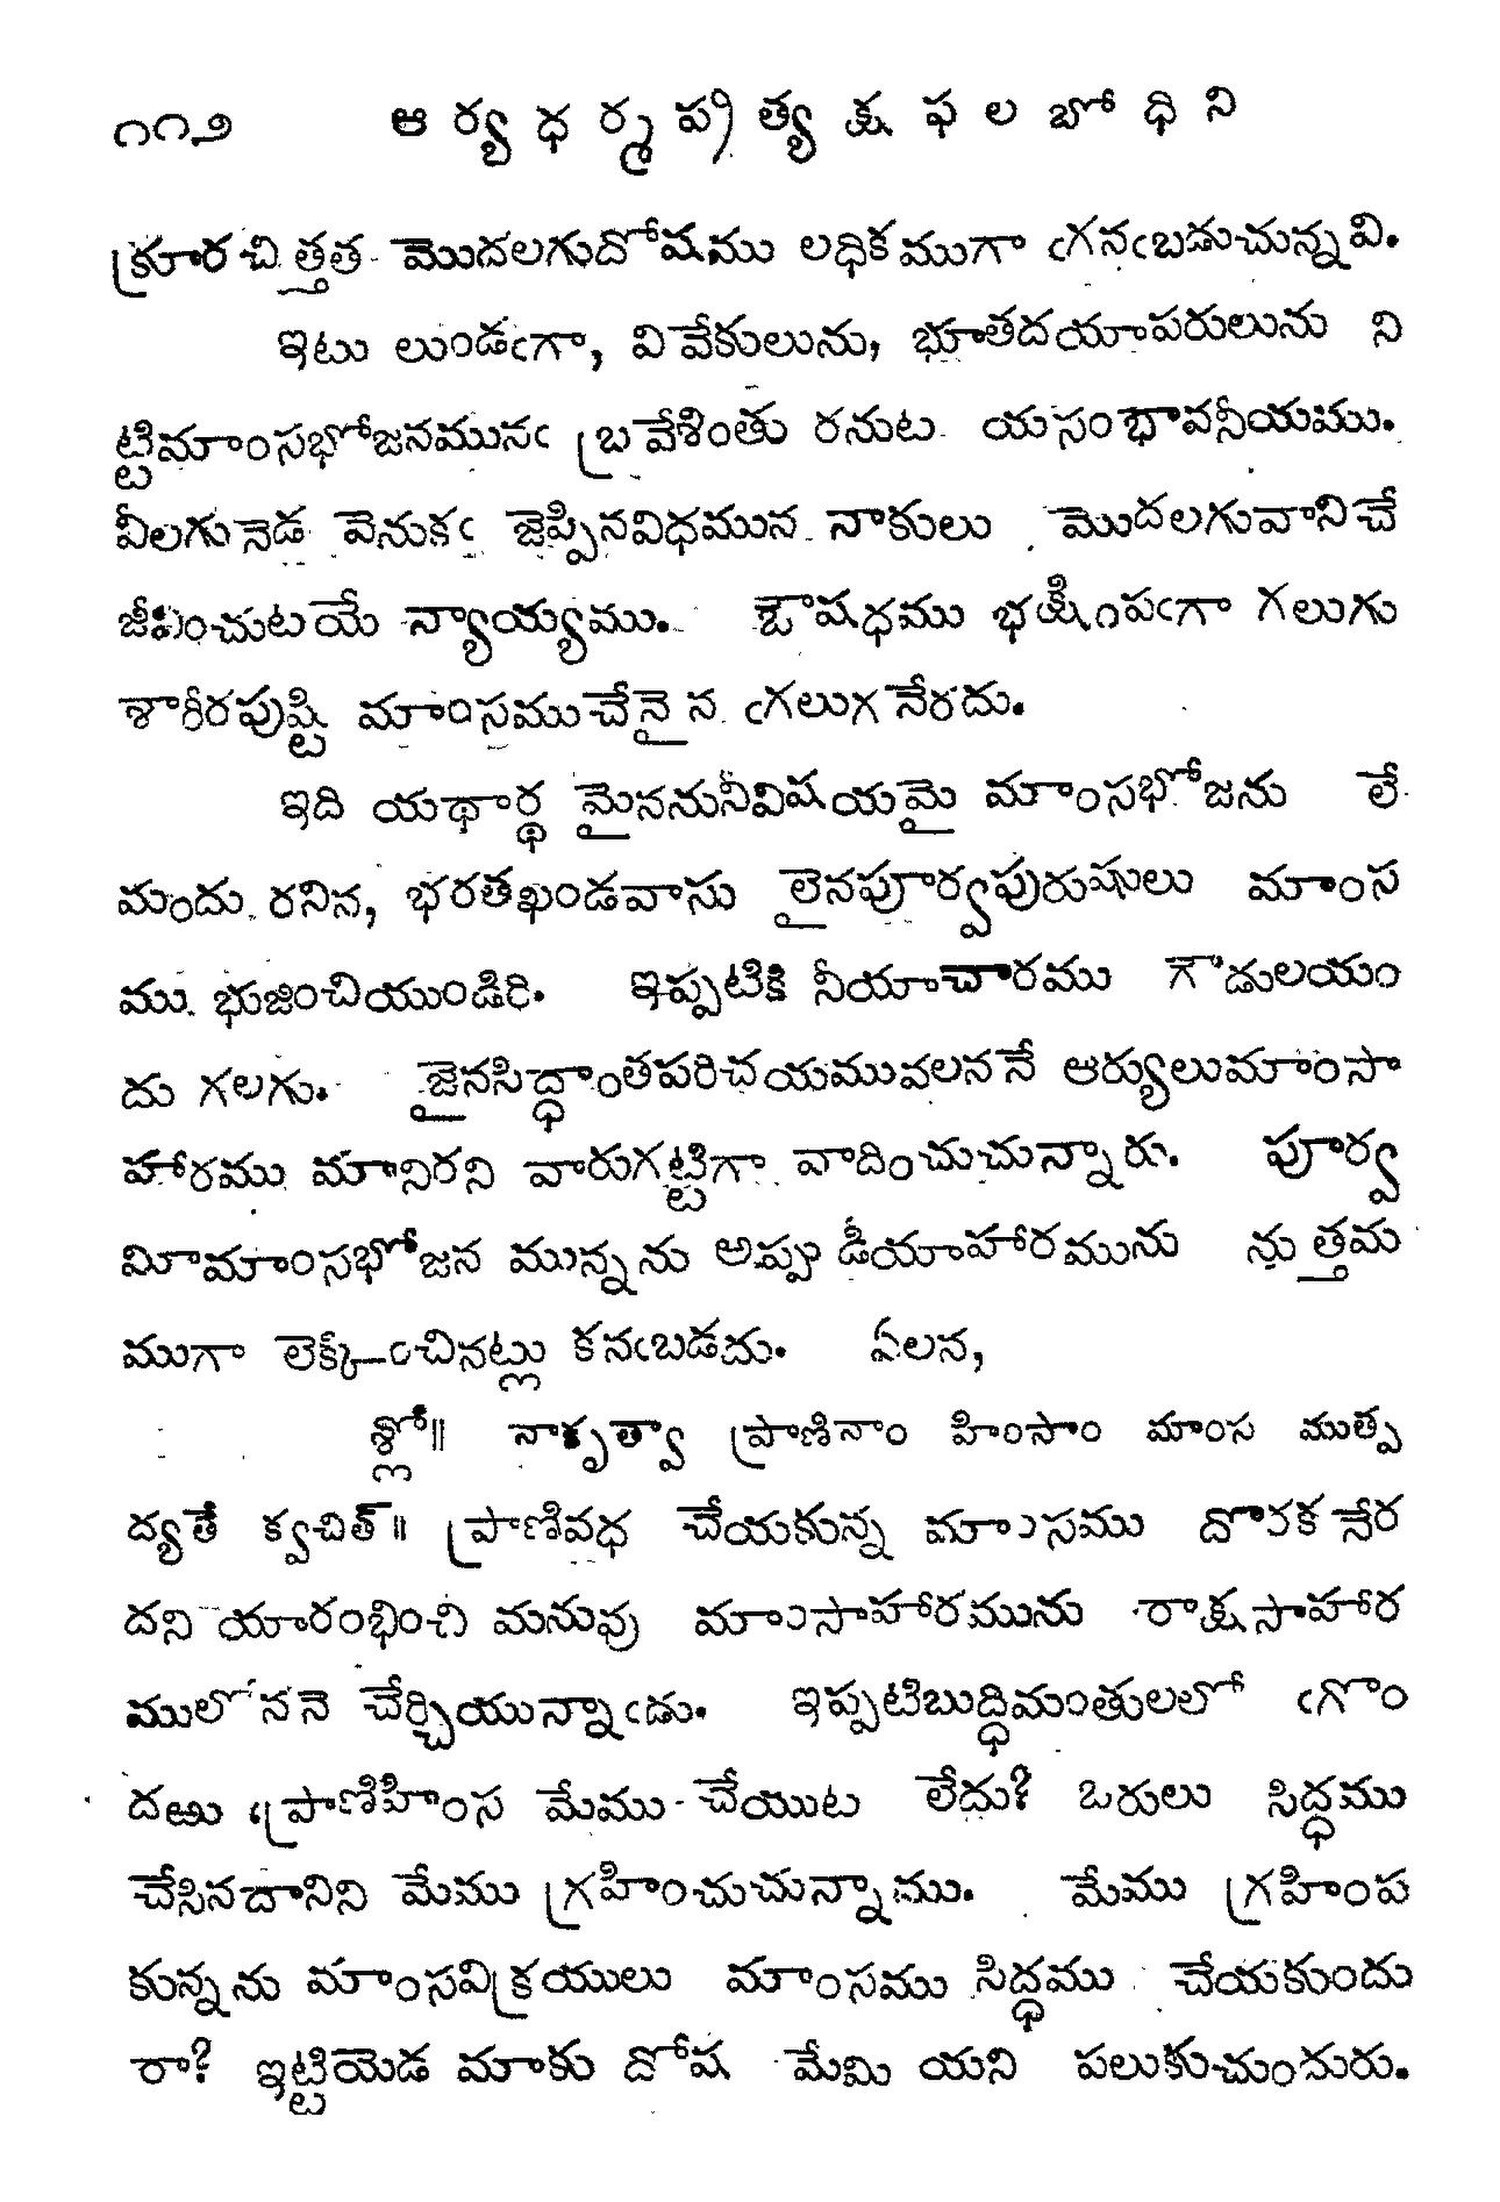క్రూరచిత్తత మొదలగుదోషము లధికముగా గనఁబడుచున్నవి.

ఇటు లుండఁగా, వివేకులును, భూతదయాపరులును నిట్టిమాంసభోజనమునఁ బ్రవేశింతు రనుట యసంభావనీయము. వీలగునెడ వెనుకఁ జెప్పినవిధమున నాకులు మొదలగువానిచే జీవించుటయే న్యాయ్యము. ఔషధము భక్షింపఁగా గలుగు శారీరపుష్టి మాంసముచేనైన గలుగనేరదు.

ఇది యథార్థ మైననునీవిషయమై మాంసభోజను లేమందు రనిన, భరతఖండవాసు లైనపూర్వపురుషులు మాంసము భుజించియుండిరి. ఇప్పటికి నీయాచారము గౌడులయందు గలదు. జైనసిద్ధాంతపరిచయము వలననే ఆర్యులుమాంసాహారము మానిరని వారుగట్టిగా వాదించుచున్నారు. పూర్వ మీమాంసభోజన మున్నను అప్పు డీయాహారమును నుత్తమముగా లెక్కించినట్లు కనఁబడదు. ఏలన,

శ్లో॥ నాకృత్వా ప్రాణినాం హింసాం మాంస ముత్పద్యతే క్వచిత్॥ ప్రాణివధ చేయకున్న మాంసము దొరకనేరదని యారంభించి మనువు మాంసాహారమును రాక్షసాహారములోననె చేర్చియున్నాఁడు. ఇప్పటిబుద్ధిమంతులలో గొందఱు 'ప్రాణిహింస మేము చేయుట లేదు? ఒరులు సిద్ధముచేసినదానిని మేము గ్రహించుచున్నాము. మేము గ్రహింపకున్నను మాంసవిక్రయులు మాంసము సిద్ధము చేయకుందురా? ఇట్టియెడ మాకు దోష మేమి యని పలుకుచుందురు.